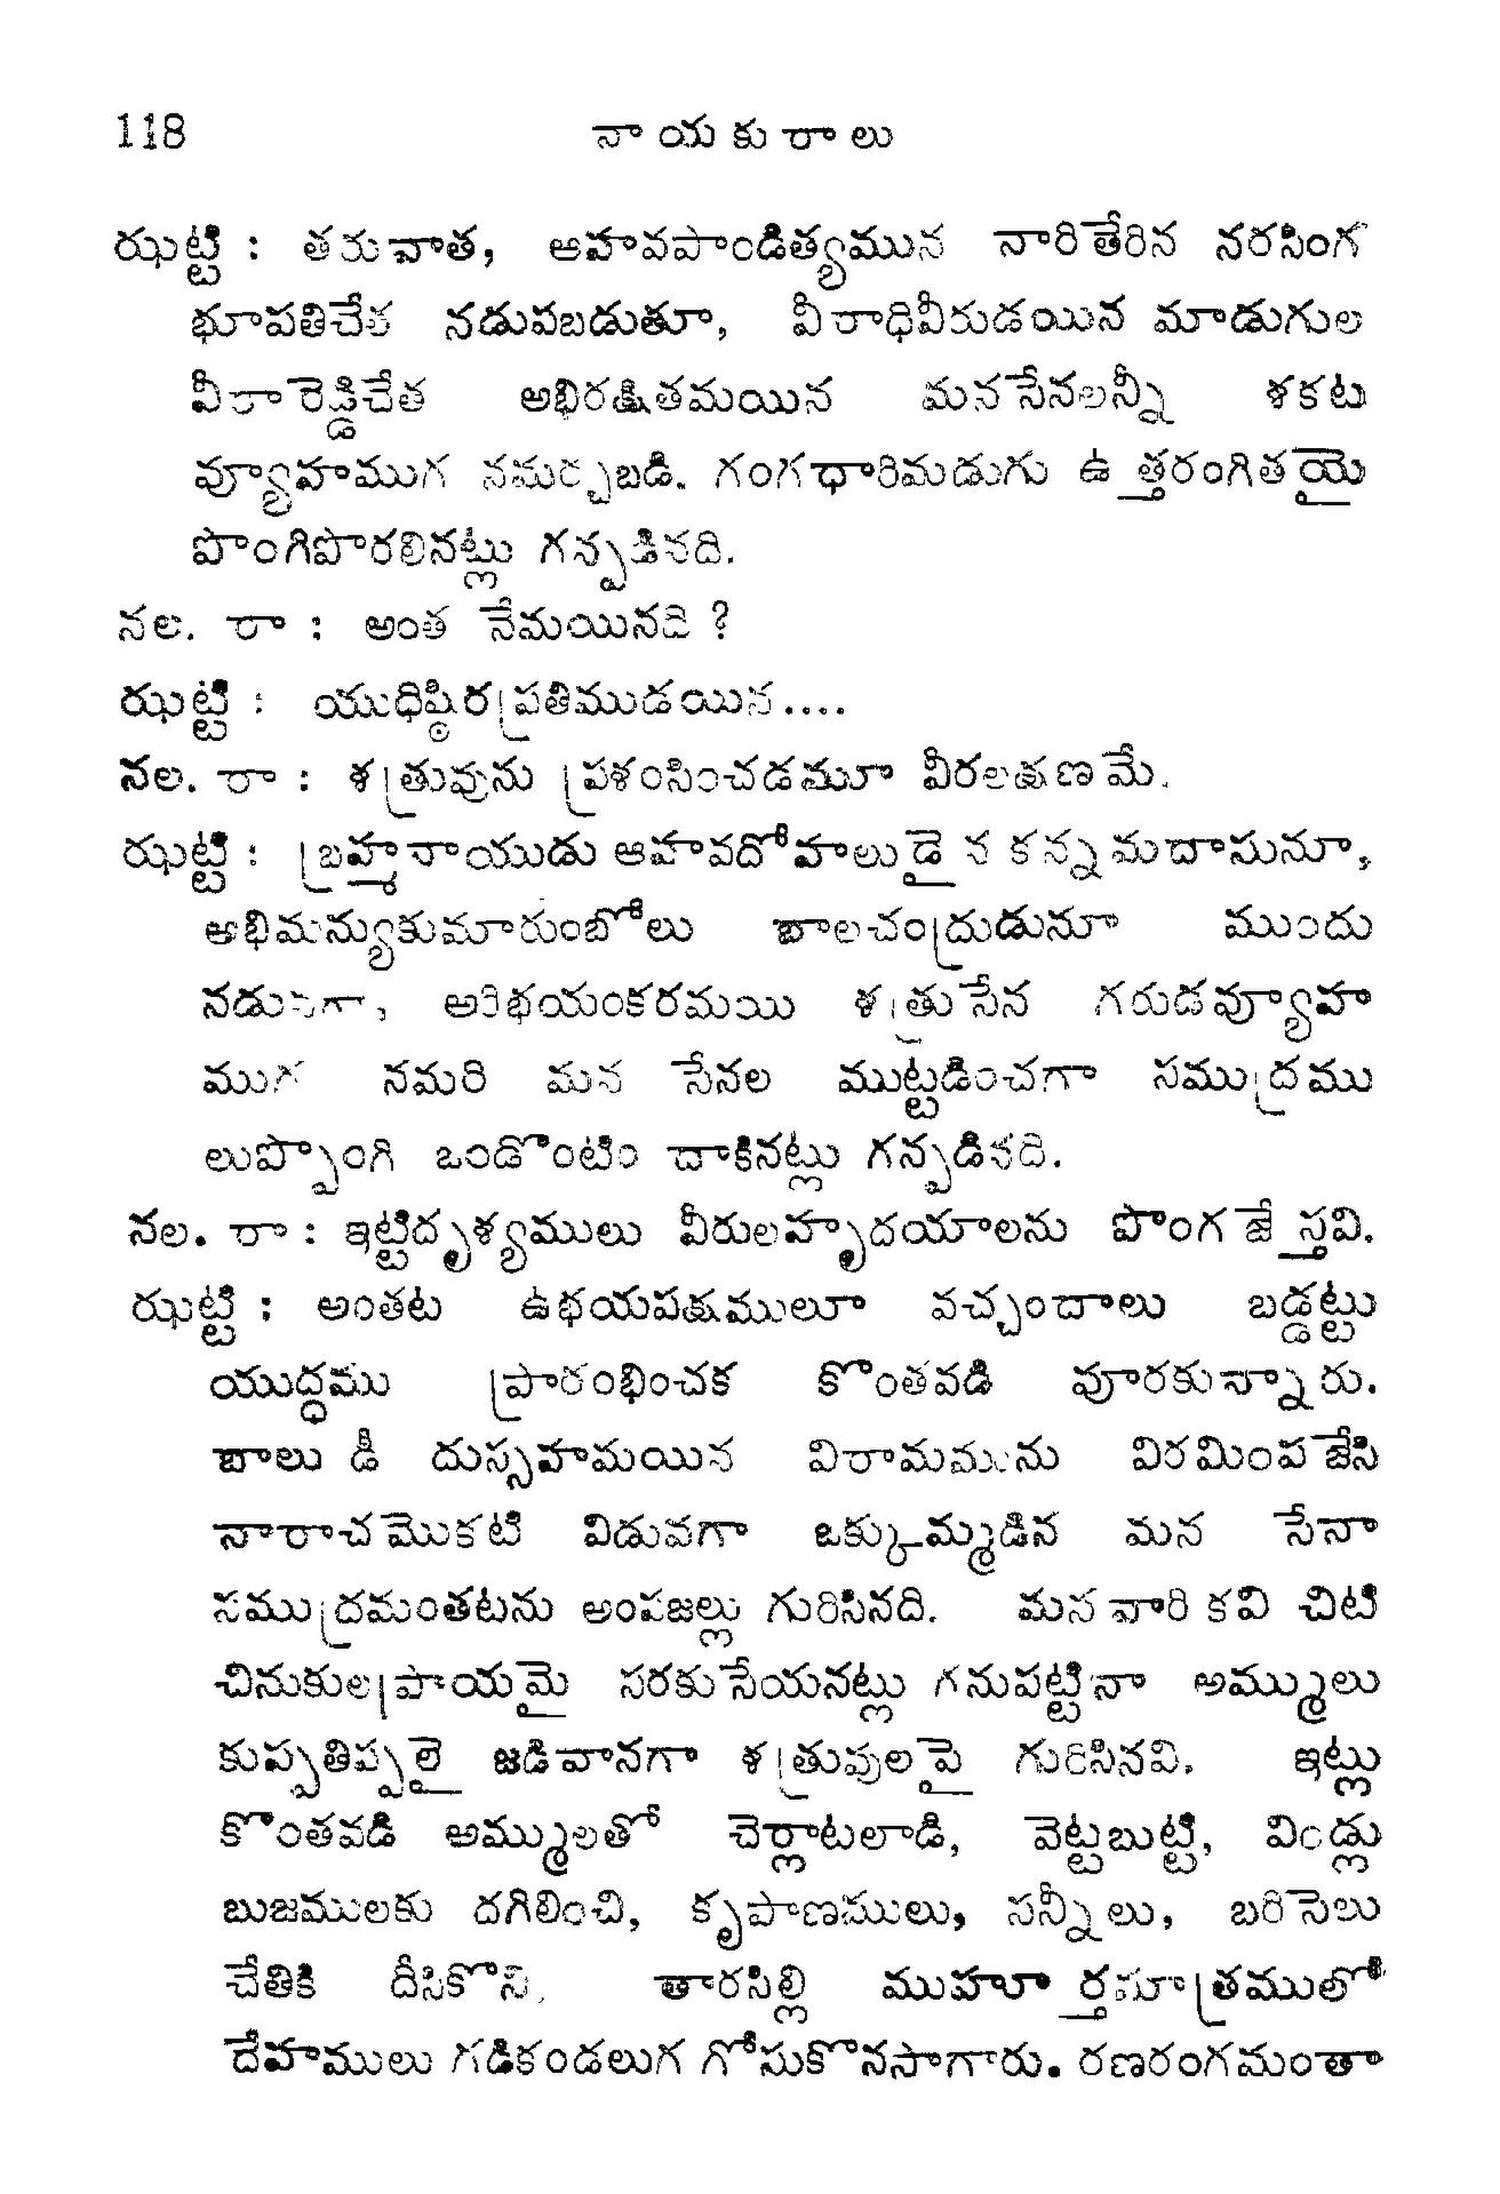ఝట్టి : తరువాత, ఆహవపాండిత్యమున నారితేరిన నరసింగభూపతిచేత నడుపబడుతూ, వీరాధివీరుడయిన మాడుగుల వీరారెడ్డిచేత అభిరక్షితమయిన మన సేనలన్నీ శకట వ్యూహముగ నమర్చబడి, గంగధారిమడుగు ఉత్తరంగితయై పొంగిపొరలినట్లు గన్పడినది.

నల. రా : అంత నేమయినది ?

ఝట్టి : యుధిష్ఠిర ప్రతిముడయిన....

నల. రా : శత్రువును ప్రశంసించడమూ వీరలక్షణమే .

ఝట్టి : బ్రహ్మనాయుడు ఆహవదోహలుడైన కన్నమదాసునూ, అభిమన్యుకుమారుంబోలు బాలచంద్రుడునూ ముందు నడువగా, అరిభయంకరమయి శత్రుసేన గరుడవ్యూహముగ నమరి మన సేనల ముట్టడించగా సముద్రము లుప్పొంగి ఒండొంటిం దాకినట్లు గన్పడినది.

నల. రా : ఇట్టిదృశ్యములు వీరులహృదయాలను పొంగ జేస్తవి.

ఝట్టి : అంతట ఉభయపక్షములూ వచ్చందాలు బడ్డట్టు యుద్ధము ప్రారంభించక కొంతవడి పూరకున్నారు. బాలు డీ దుస్సహమయిన విరామమును విరమింపజేసి నారాచమొకటి విడువగా
ఒక్కుమ్మడిన మన సేనా సముద్రమంతటను అంపజల్లు గురిసినది. మస వారి కవి చిటి
చినుకులప్రాయమై సరకుసేయనట్లు గనుపట్టి నా అమ్ములు కుప్పతిప్పలై జడివానగా శత్రువులపై గురిసినవి, ఇట్లు కొంతవడి అమ్ములతో చెర్లాటలాడి, వెట్టబుట్టి, విండ్లు బుజములకు దగిలించి, కృపాణములు, సన్నీలు, బరిసెలు చేతికి దీసికొని తారసిల్లి ముహూర్తమాత్రములో దేహములు గడికండలుగ గోసుకొనసాగారు. రణరంగమంతా